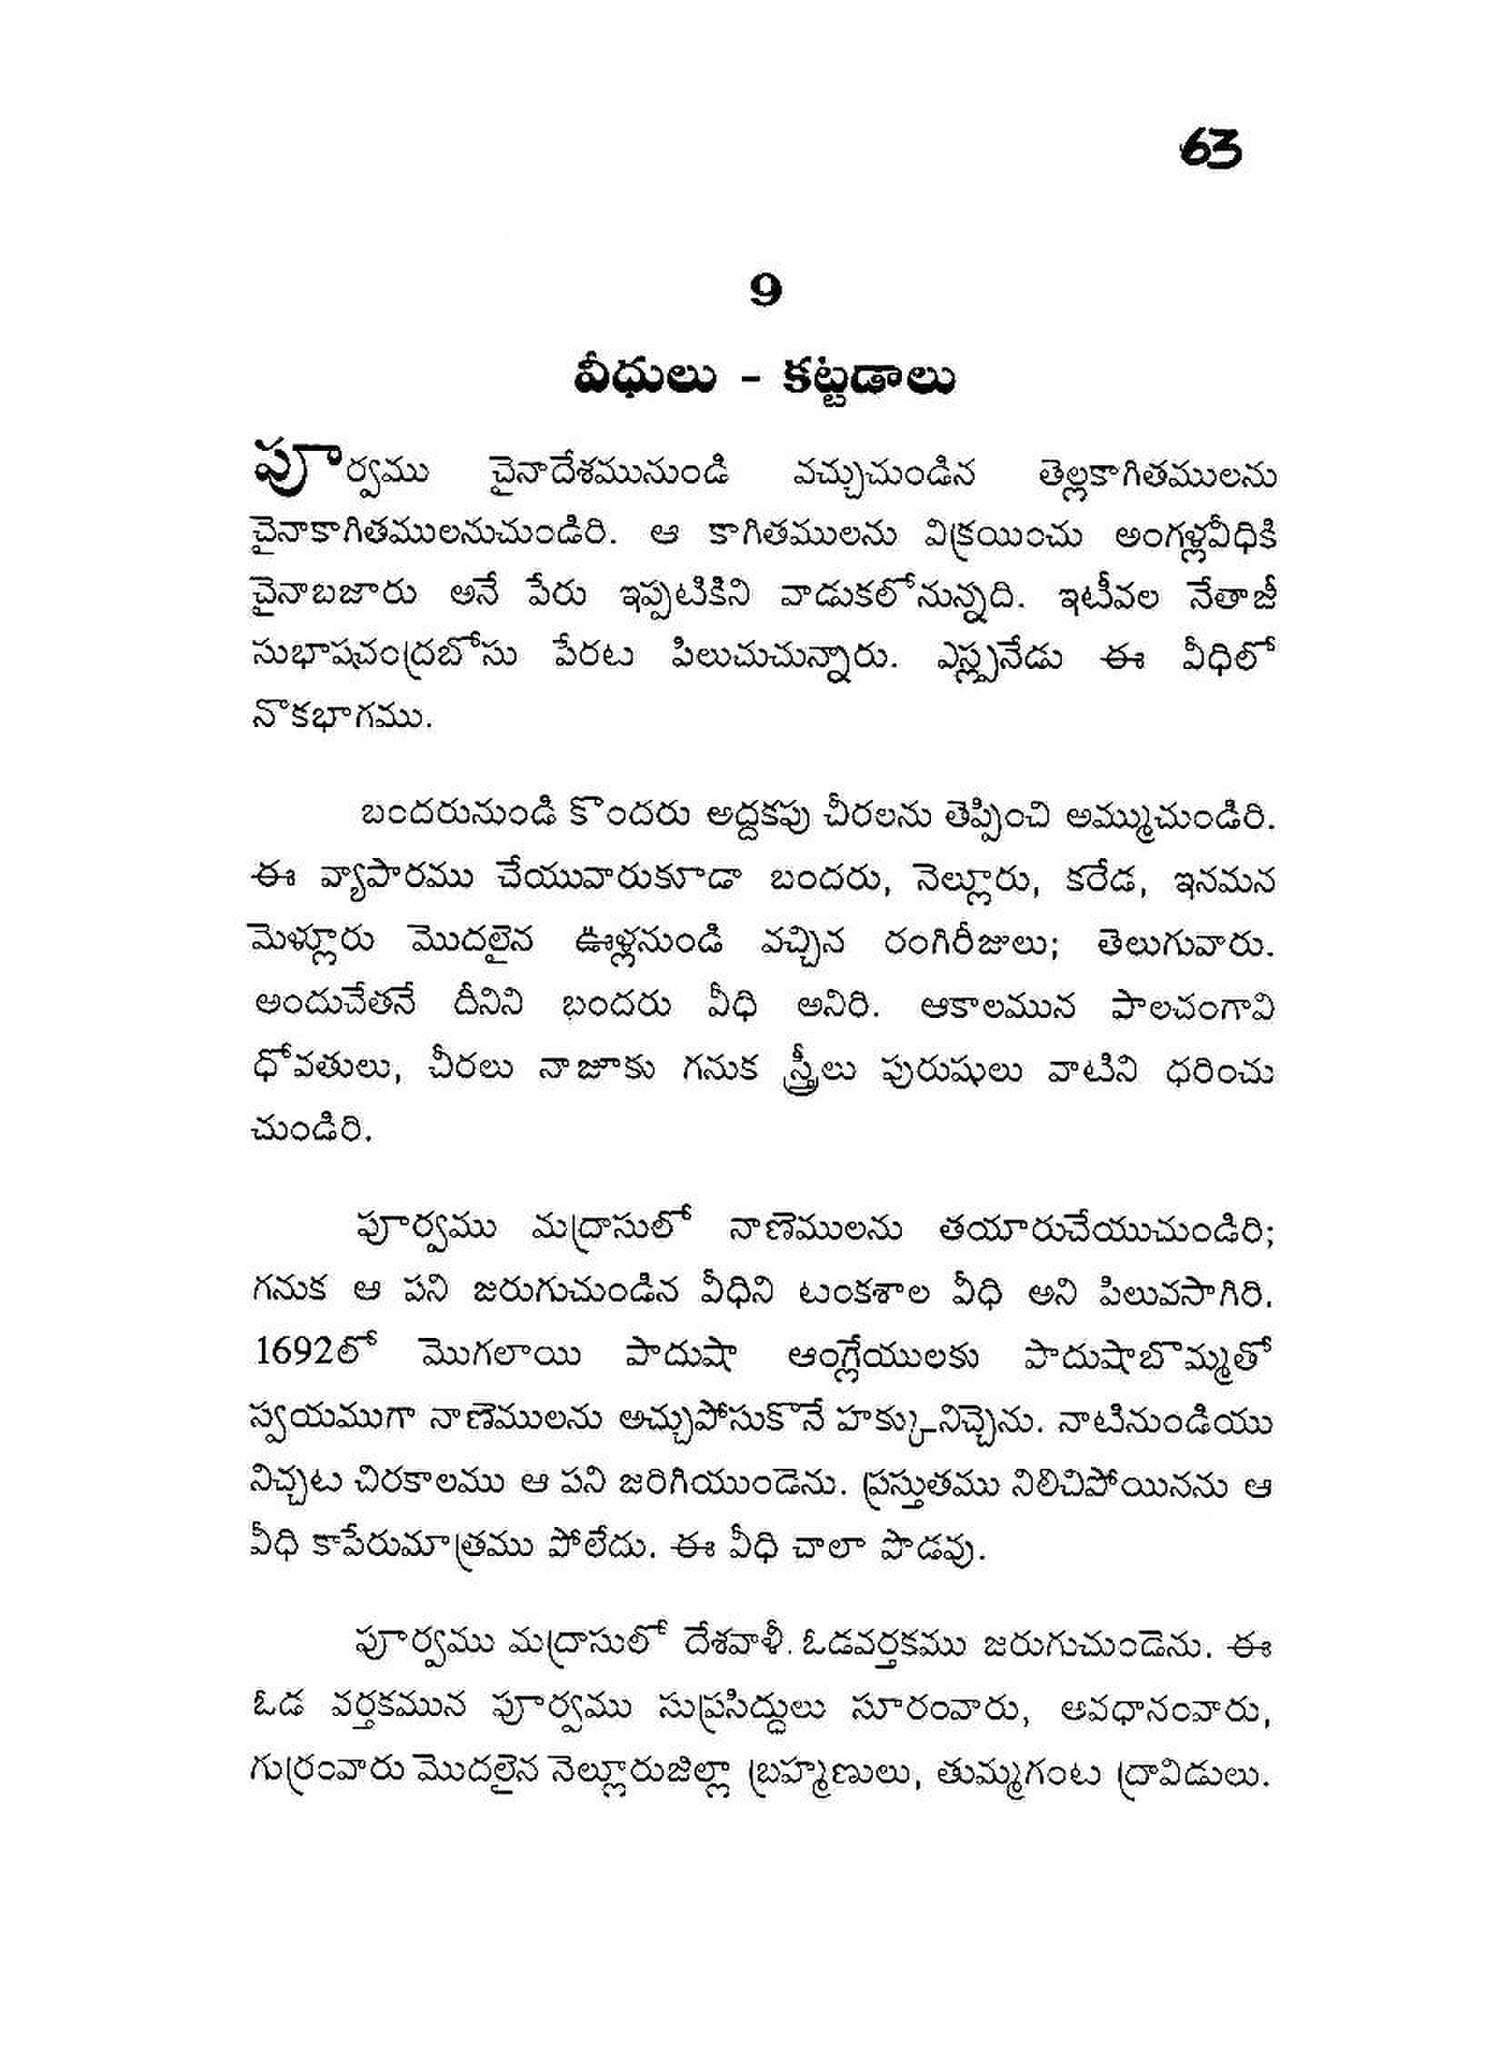పూర్వము చైనాదేశమునుండి వచ్చుచుండిన తెల్లకాగితములను చైనాకాగితములనుచుండిరి. ఆ కాగితములను విక్రయించు అంగళ్లవీధికి చైనాబజారు అనే పేరు ఇప్పటికిని వాడుకలోనున్నది. ఇటీవల నేతాజీ సుభాషచంద్రబోసు పేరట పిలుచుచున్నారు. ఎ స్ప్లనేడు ఈ వీధిలో నొకభాగము.

బందరునుండి కొందరు అద్దకపు చీరలను తెప్పించి అమ్ముచుండిరి. ఈ వ్యాపారము చేయువారుకూడా బందరు, నెల్లూరు, కరేడ, ఇనమన మెళ్ళూరు మొదలైన ఊళ్లనుండి వచ్చిన రంగిరీజులు; తెలుగువారు. అందుచేతనే దీనిని బందరు వీధి అనిరి. ఆకాలమున పాలచంగావి ధోవతులు, చీరలు నాజూకు గనుక స్త్రీలు పురుషులు వాటిని ధరించు చుండిరి.

పూర్వము మద్రాసులో నాణెములను తయారుచేయుచుండిరి; గనుక ఆ పని జరుగుచుండిన వీధిని టంకశాల వీధి అని పిలువసాగిరి. 1692లో మొగలాయి పాదుషా ఆంగ్లేయులకు పాదుషాబొమ్మతో స్వయముగా నాణేములను అచ్చుపోసుకొనే హక్కునిచ్చెను. నాటినుండియు నిచ్చట చిరకాలము ఆ పని జరిగియుండెను. ప్రస్తుతము నిలిచిపోయినను ఆ వీధి కాపేరుమాత్రము పోలేదు. ఈ వీధి చాలా పొడవు.

పూర్వము మద్రాసులో దేశవాళీ, ఓడవర్తకము జరుగుచుండెను. ఈ ఓడ వర్తకమున పూర్వము సుప్రసిద్దులు సూరంవారు, అవధానంవారు, గుర్రంవారు మొదలైన నెలూరుజిల్లా బ్రహ్మణులు, తుమ్మగంట ద్రావిడులు.